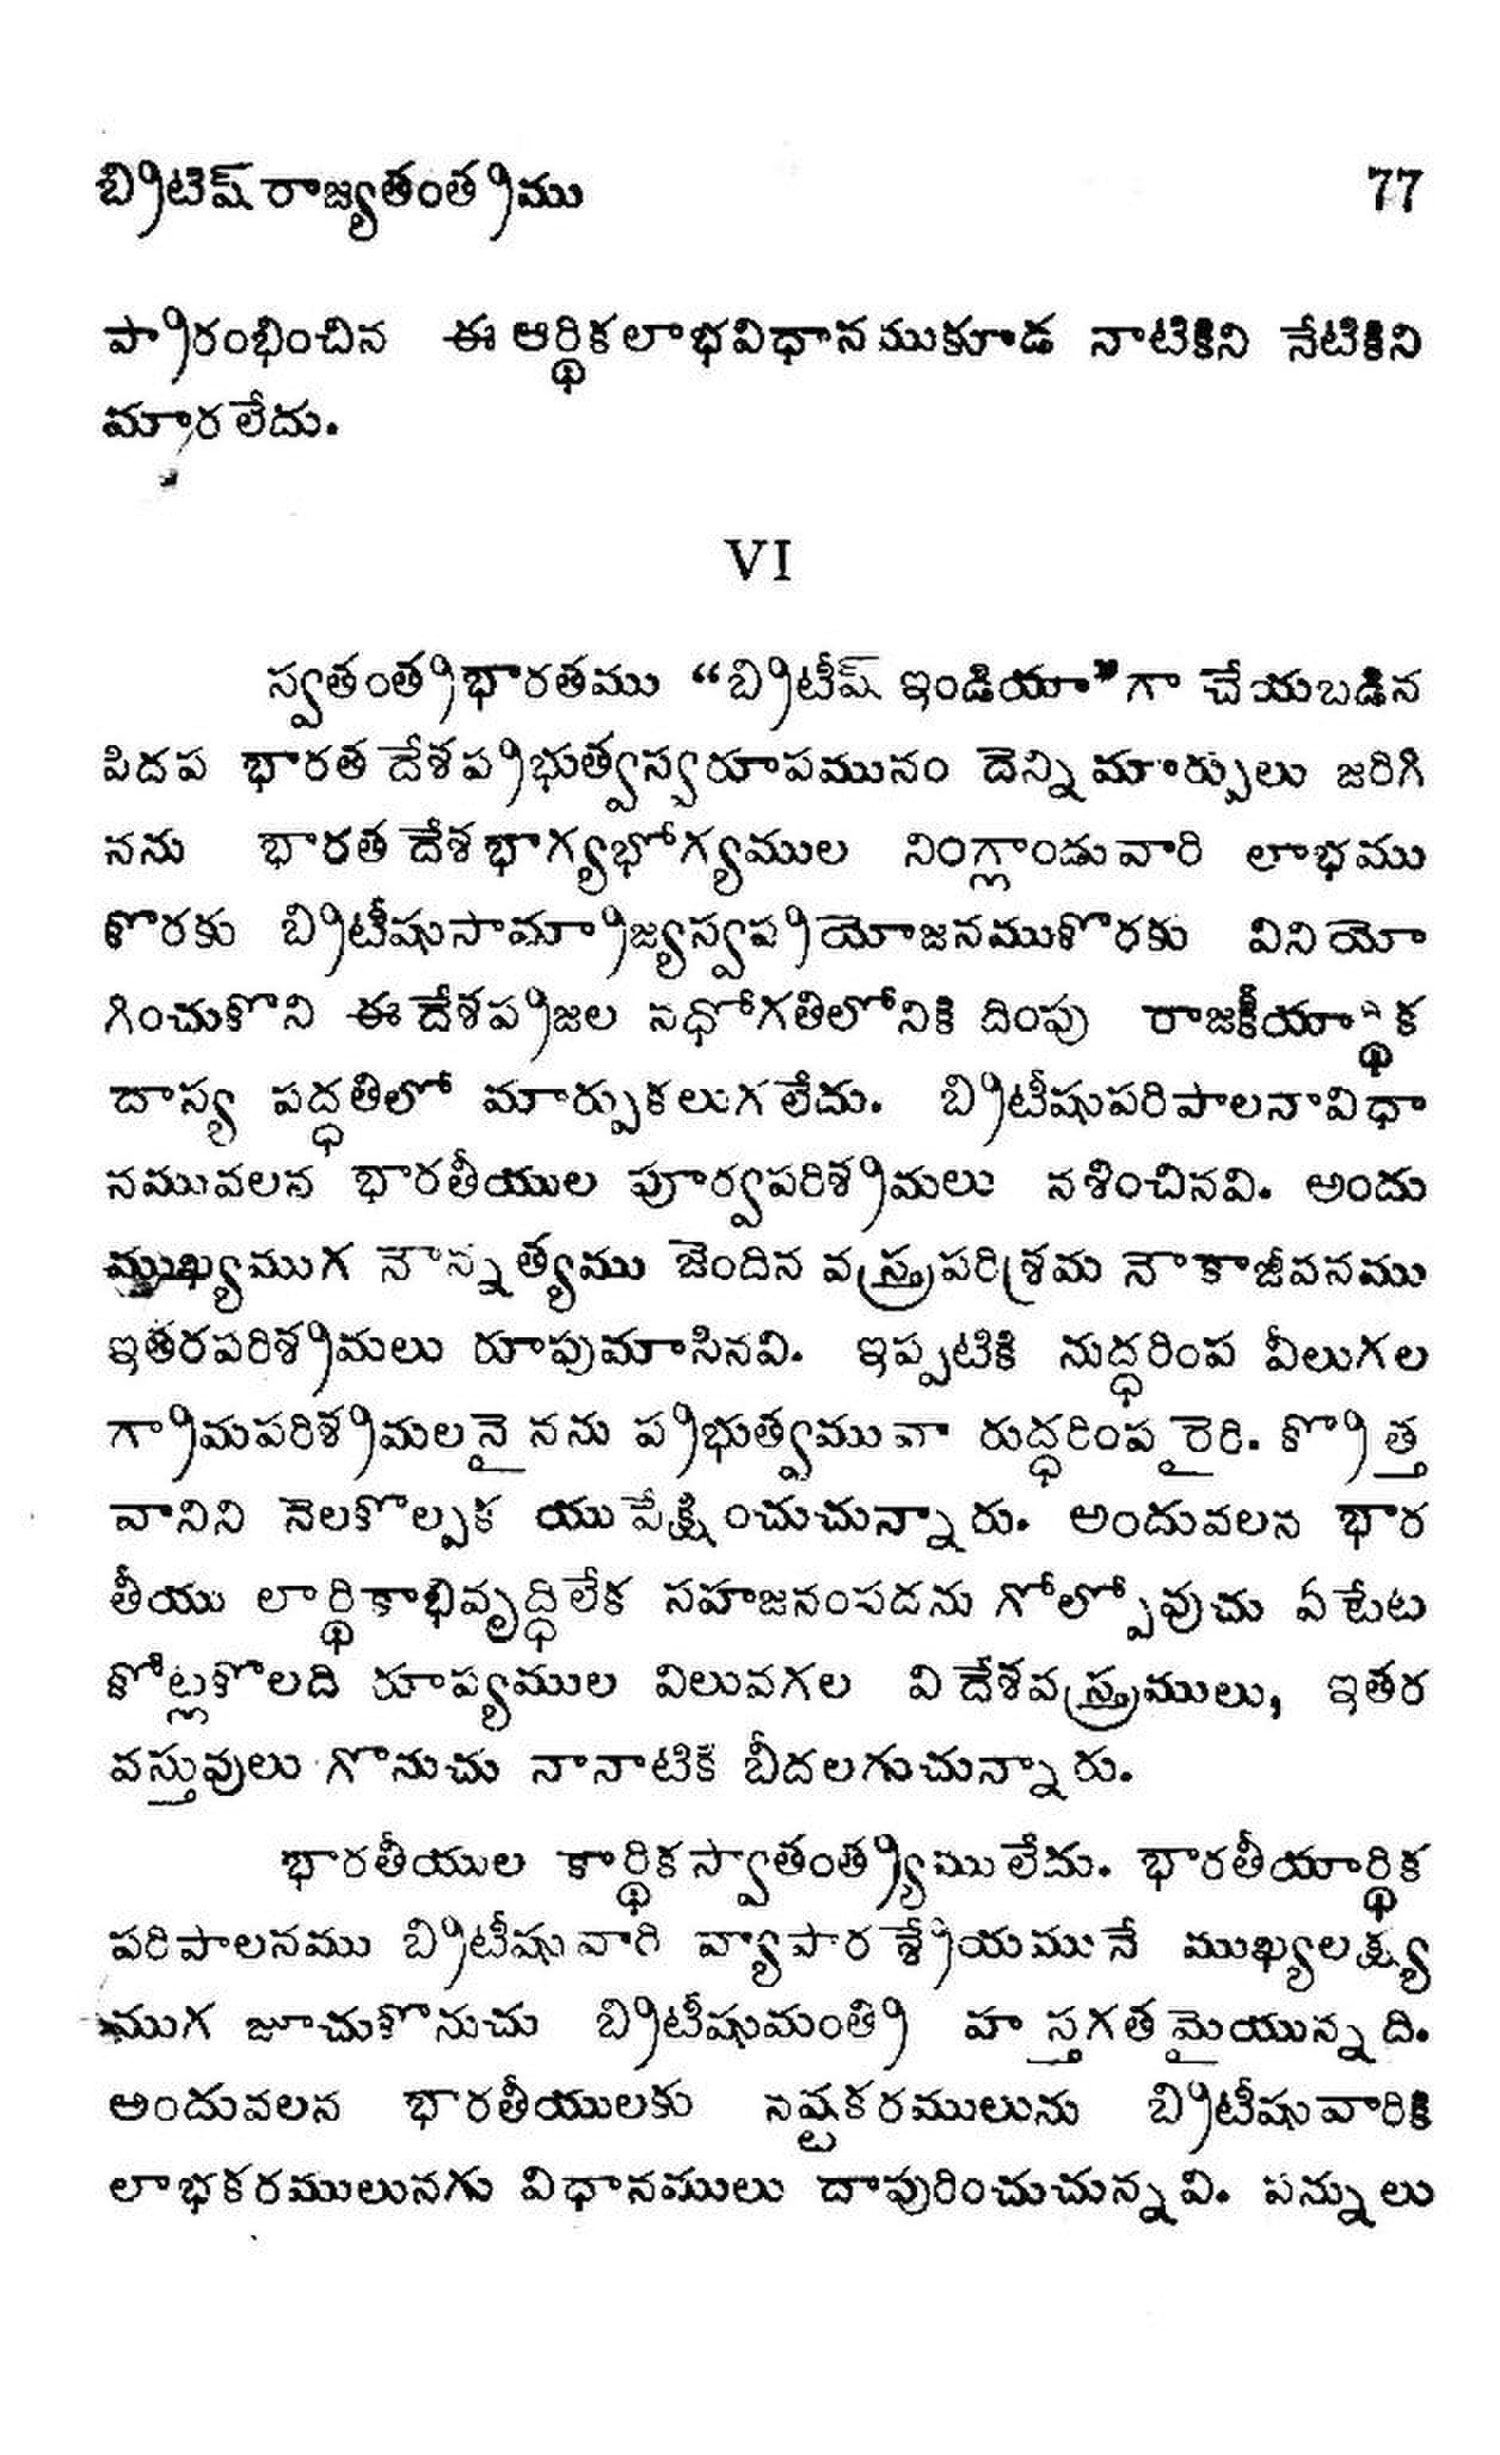ప్రారంభించిన ఈఆర్థికలాభవిధానముకూడ నాటికిని నేటికిని మారలేదు.

VI

స్వతంత్రభారతము "బ్రిటీష్ ఇండియా"గా చేయబడిన పిదప భారతదేశప్రభుత్వస్వరూపమునం దెన్నిమార్పులు జరిగినను భారతదేశభాగ్యభోగ్యముల నింగ్లాండువారి లాభముకొరకు బ్రిటీషుసామ్రాజ్యస్వప్రయోజనముకొరకు వినియోగించుకొని ఈదేశప్రజల నధోగతిలోనికి దింపు రాజకీయార్థిక దాస్య పద్దతిలో మార్పుకలుగలేదు. బ్రిటీషుపరిపాలనావిధానమువలన భారతీయుల పూర్వపరిశ్రమలు నశించినవి. అందు ముఖ్యముగ నౌన్నత్యము జెందిన వస్త్రపరిశ్రమ నౌకాజీవనము ఇతరపరిశ్రమలు రూపుమాసినవి. ఇప్పటికి నుద్దరింప వీలుగల గ్రామపరిశ్రమలనైనను ప్రభుత్వమువా రుద్దరింపరైరి. క్రొత్తవానిని నెలకొల్పక యుపేక్షించుచున్నారు. అందువలన భారతీయు లార్థికాభివృద్ధిలేక సహజనంపదను గోల్పోవుచు ఏటేట కోట్లకొలది రూప్యముల విలువగల విదేశవస్త్రములు, ఇతర వస్తువులు గొనుచు నానాటికి బీదలగుచున్నారు.

భారతీయుల కార్థికస్వాతంత్యములేదు. భారతీయార్థిక పరిపాలనము బ్రిటీషువారి వ్యాపారశ్రేయమునే ముఖ్యలక్ష్యముగ జూచుకొనుచు బ్రిటీషుమంత్రి హస్తగతమైయున్నది. అందువలన భారతీయులకు నష్టకరములును బ్రిటీషువారికి లాభకరములునగు విధానములు దాపురించుచున్నవి. పన్నులు